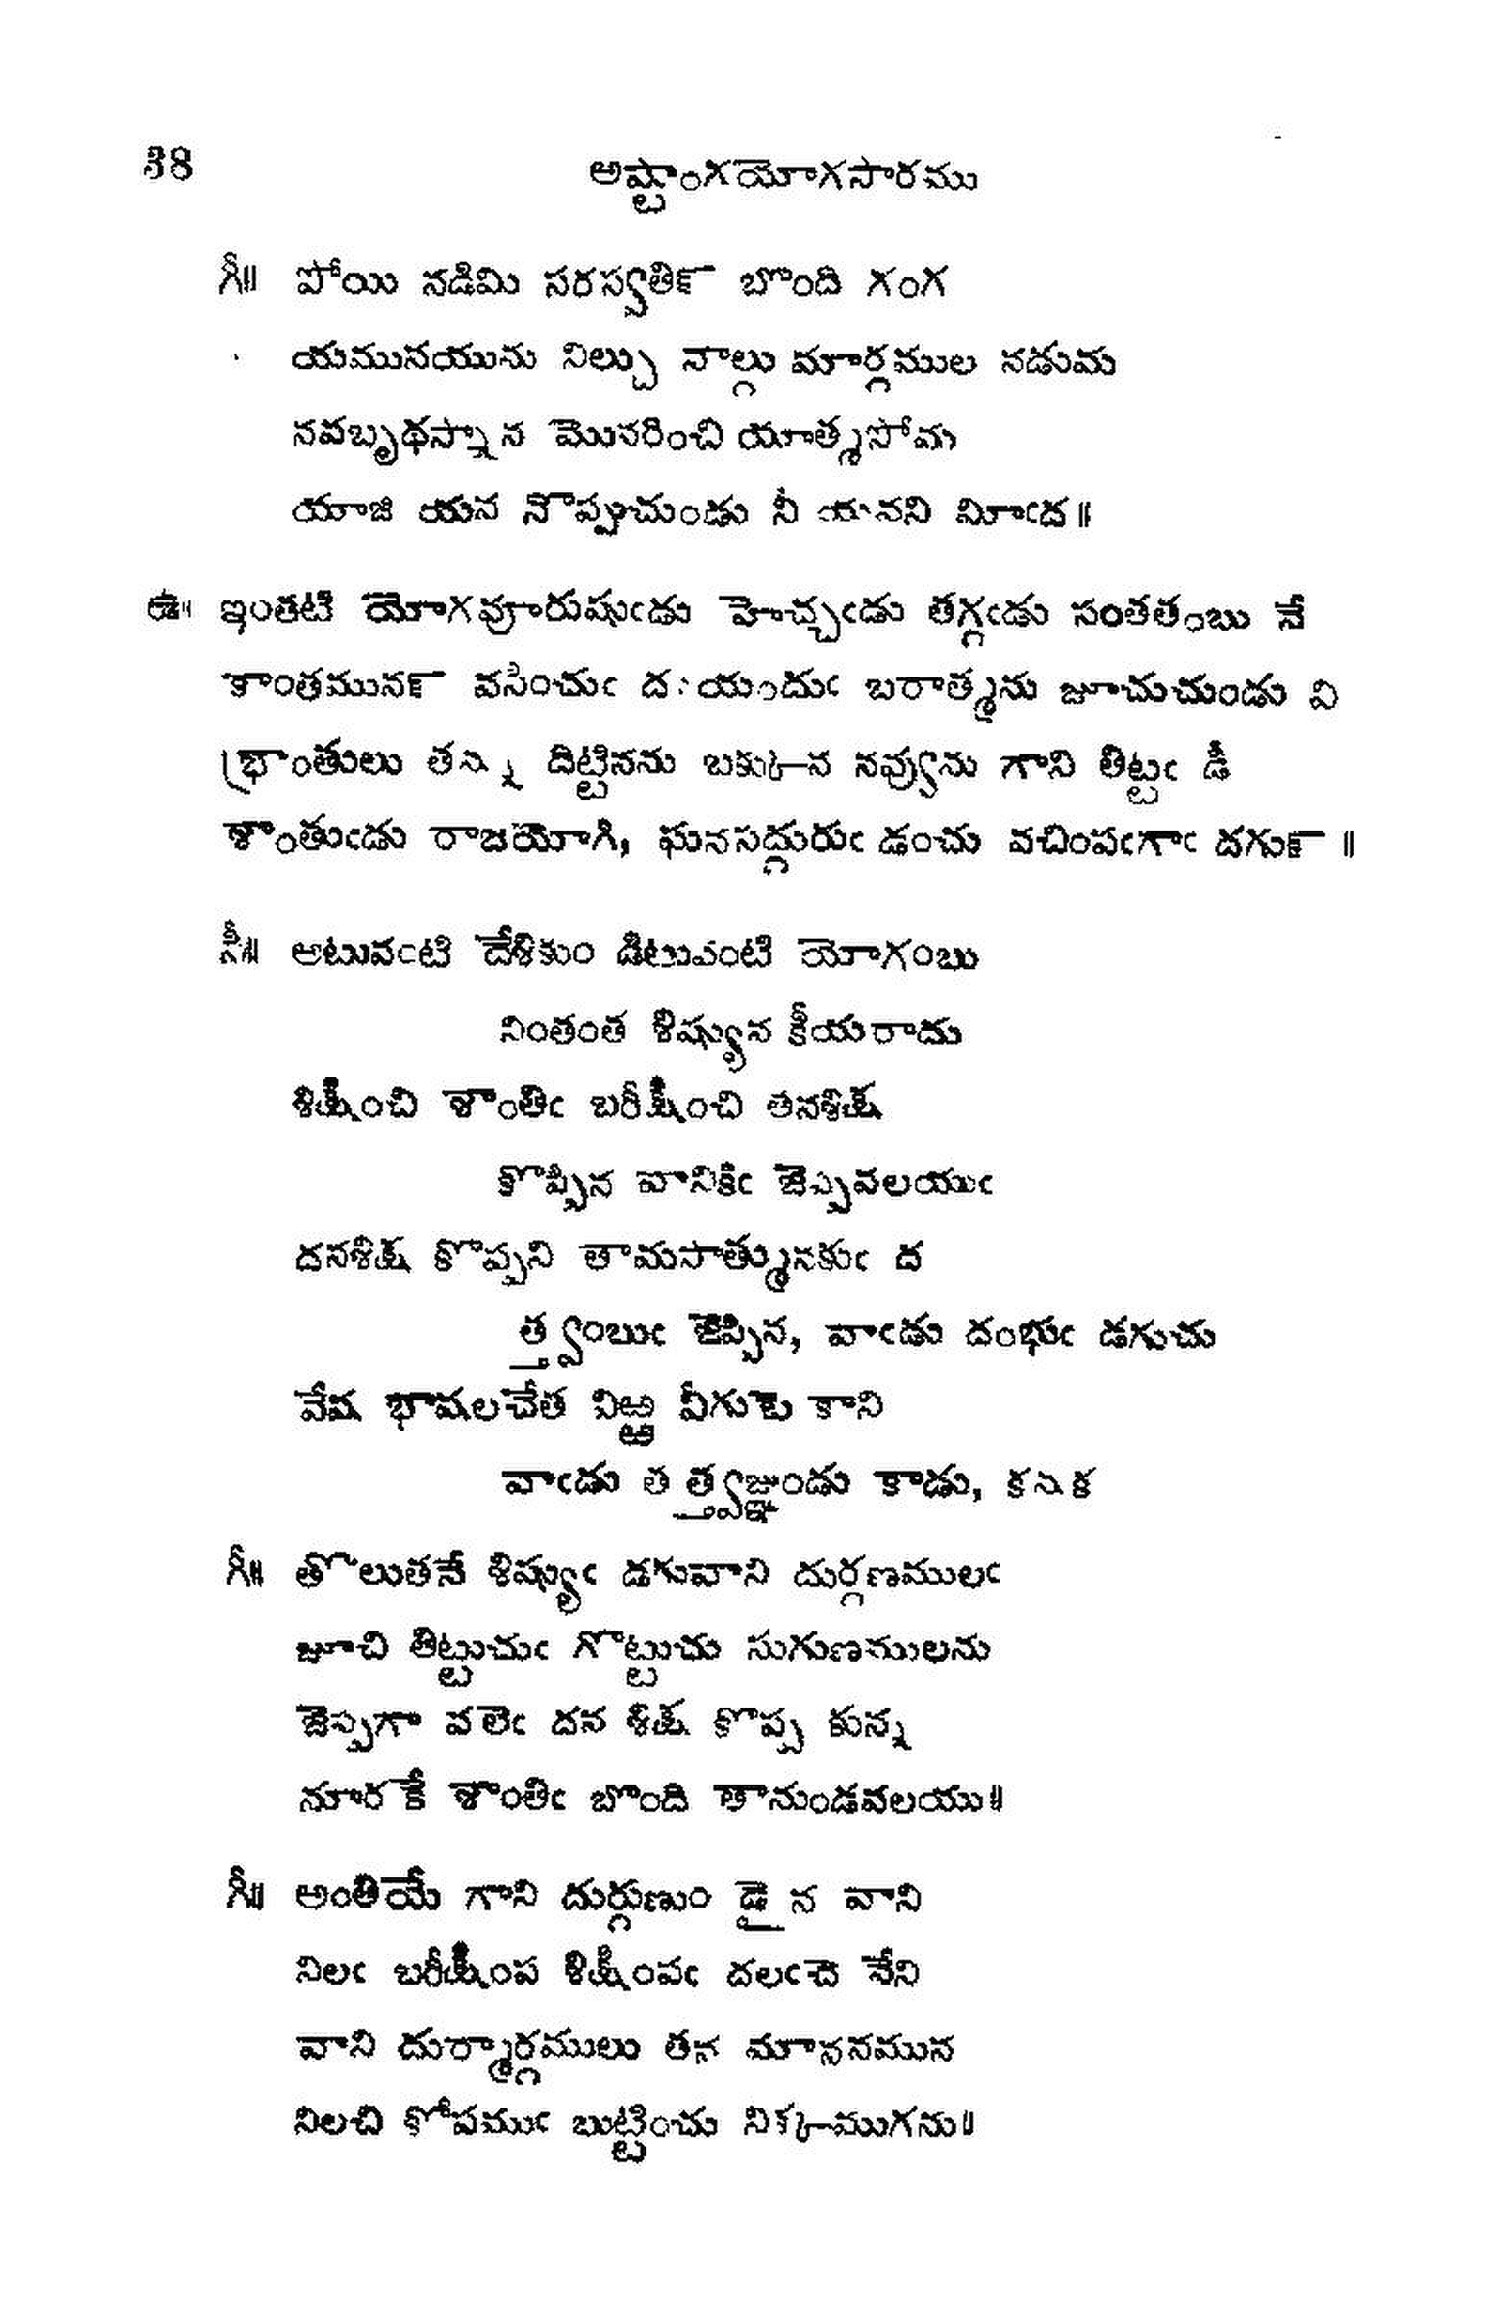గీ. పోయి నడిమి సరస్వతిన్ బొంది గంగ
 యమునయును నిల్చు నాల్గుమార్గముల నడుమ
 నవబృథస్నాన మొనరించి యాత్మసోమ
 యాజి యన నొప్పుచుండు నీ యవనిమీఁద.
ఉ. ఇంతటి యోగపూరుషుఁడు హెచ్చఁడు తగ్గఁడు సంతతంబు నే
 కాంతమునన్ వసించుఁ దనయందుఁ బరాత్మను జూచుచుండు వి
 భ్రాంతులు తన్ను కొట్టినను బక్కున నవ్వును గాని తిట్టఁ డీ
 శాంతుఁడు రాజయోగి, ఘనసద్గురుఁ డంచు వచింపఁగాఁ దగున్.
సీ. అటువంటి దేశికుం డిటువంటి యోగంబు
 నింతంతశిష్యున కీయరాదు
 శిక్షించి శాంతిఁ బరీక్షించి తనశిక్ష
 కొప్పినవానికిం జెప్పవలయుఁ
 దనశిక్ష కొప్పని తామసాత్మునకుఁ ద
 త్త్వంబుఁ జెప్పిన, వాఁడు దంభుఁ డగుచు
 వేషభాషలచేత విఱ్ఱవీగుటె కాని
 వాడు తత్వజ్ఞుండు కాడు, కనుక
గీ. తొలుతనే శిష్యుఁ డగువాని దుర్గుణములఁ
 తిట్టుచుఁ గొట్టుచు సుగుణములను
 జెప్పగా వలెఁ దనశిక్ష కొప్పకున్న
 నూరకే శాంతిఁ బొంది తానుండవలయు.
గీ. అంతియే గాని దుర్గుణుం డైన వాని
 నిలఁ బరీక్షింప శిక్షింపఁ దలఁచె నేని
 వాని దుర్మార్గములు తన మానసమున
 నిలచి కోపముఁ బుట్టించు నిక్కముగను.